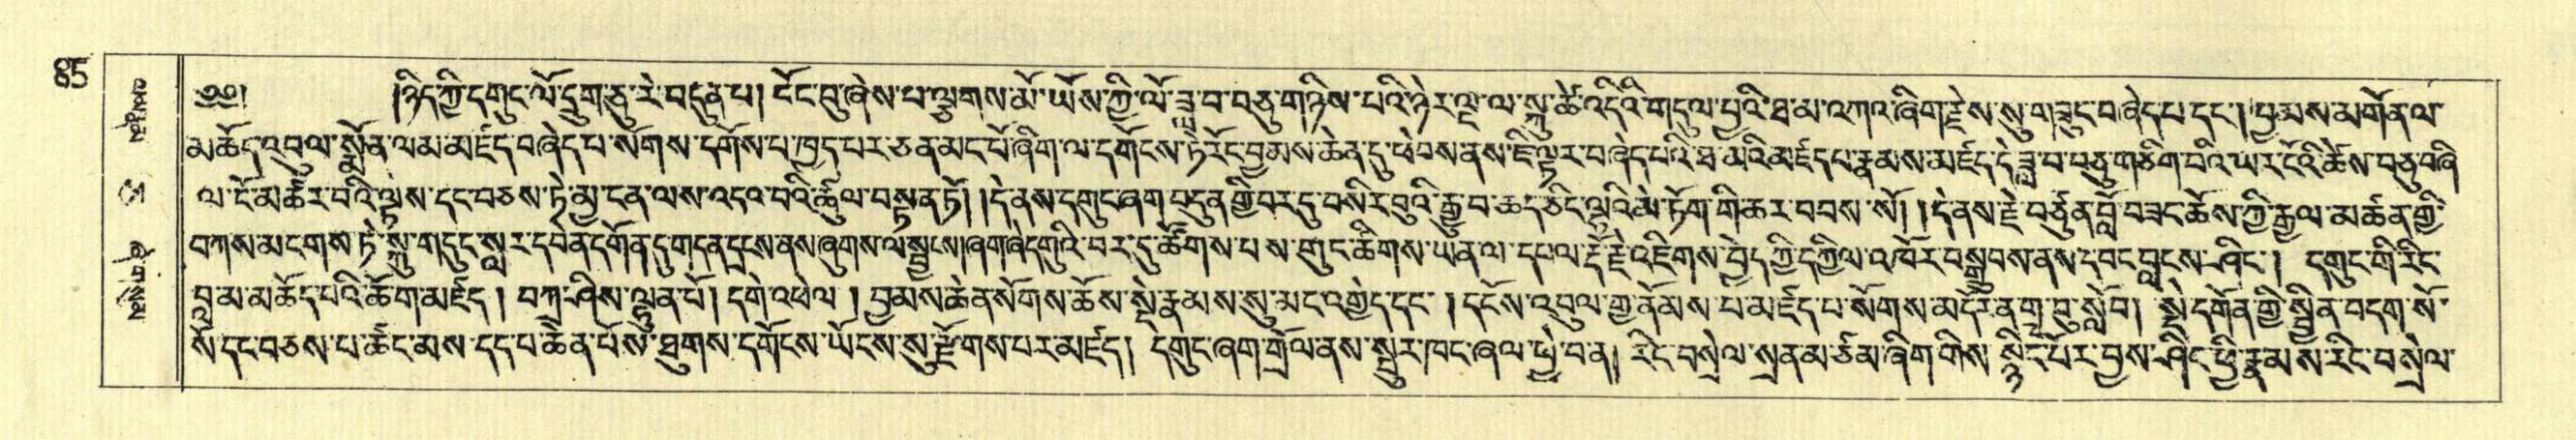༄༅། །ཉིད་ཀྱི་དགུང་ལོ་དྲུག་ཅུ་རེ་བདུན་པ། བོང་བུ་ཞེས་པ་ལྕགས་མོ་ཡོས་ཀྱི་ལོ་ཟླ་བ་བཅུ་གཉིས་པའི་ཉེར་ལྔ་ལ་སྐུ་ཚེ་འདིའི་གདུལ་བྱའི་ཐ་མ་བཀའ་ཞིག་རྗེས་སུ་གཟུང་བཞེད་པ་དང་། བྱམས་མགོན་ལ་
མཆོད་འབུལ་སྨོན་ལམ་མཛད་བཞེད་པ་སོགས་དགོས་པ་ཁྱད་པར་ཅན་མང་པོ་ཞིག་ལ་དགོངས་ཏེ་རོང་བྱམས་ཆེན་དུ་ཕེབས་ནས་ཇི་ལྟར་བཞེད་པའི་ཐ་མའི་མཛད་པ་རྣམས་མཛད་དེ་ཟླ་བ་བཅུ་གཅིག་པའི་ཡར་ངོའི་ཚེས་བཅུ་བཞི་
ལ་ངོ་མཚར་བའི་ལྟས་དང་བཅས་ཏེ་མྱ་ངན་ལས་འདའ་བའི་ཚུལ་བསྟན་ཏོ། །དེ་ནས་དགུང་ཞག་བདུན་གྱི་བར་དུ་བསིར་བུའི་རྒྱུ་བ་ཆད་ཅིང་ལྷའི་མེ་ཏོག་གི་ཆར་བབས་སོ། །དེ་ནས་རྗེ་བཙུན་བློ་བཟང་ཆོས་ཀྱི་རྒྱལ་མཚན་གྱི་
བཀས་མངགས་ཏེ་སྐུ་གདུང་སླར་དབེན་དགོན་དུ་གདན་དྲངས་ནས་ཞུགས་ལ་སྦྱངས། ཞག་ཞེ་དགུའི་བར་དུ་ཚོགས་པས་གུང་ཚིགས་ཡན་ལ་དཔལ་རྡོ་རྗེ་འཇིགས་བྱེད་ཀྱི་དཀྱིལ་འཁོར་བསྒྲུབས་ནས་དབང་བླངས་ཤིང་། དགུང་གི་རིང་
བླ་མ་མཆོད་པའི་ཆོག་མཛད། བཀྲ་ཤིས་ལྷུན་པོ། དགེ་འཕེལ། བྱམས་ཆེན་སོགས་ཆོས་སྡེ་རྣམས་སུ་མང་འགྱེད་དང་། དངོས་འབུལ་གྱ་ནོམས་པ་མཛད་པ་སོགས་མདོར་ན་གྲ་བུ་སློབ། སྡེ་དགོན་གྱི་སྦྱིན་བདག་སོ་
སོ་དང་བཅས་པ་ཚང་མས་དད་པ་ཆེན་པོས་ཐུགས་དགོངས་ཡོངས་སུ་རྫོགས་པར་མཛད། དགུང་ཞག་གྲོལ་ནས་སྤུར་ཁང་ཞལ་ཕྱེ་བ་ན། རིང་བསྲེལ་སྲན་མ་ཙམ་ཞིག་གིས་སྙིང་པོར་བྱས་ཤིང་ཕྱི་རྣམས་རིང་བསྲེལ་